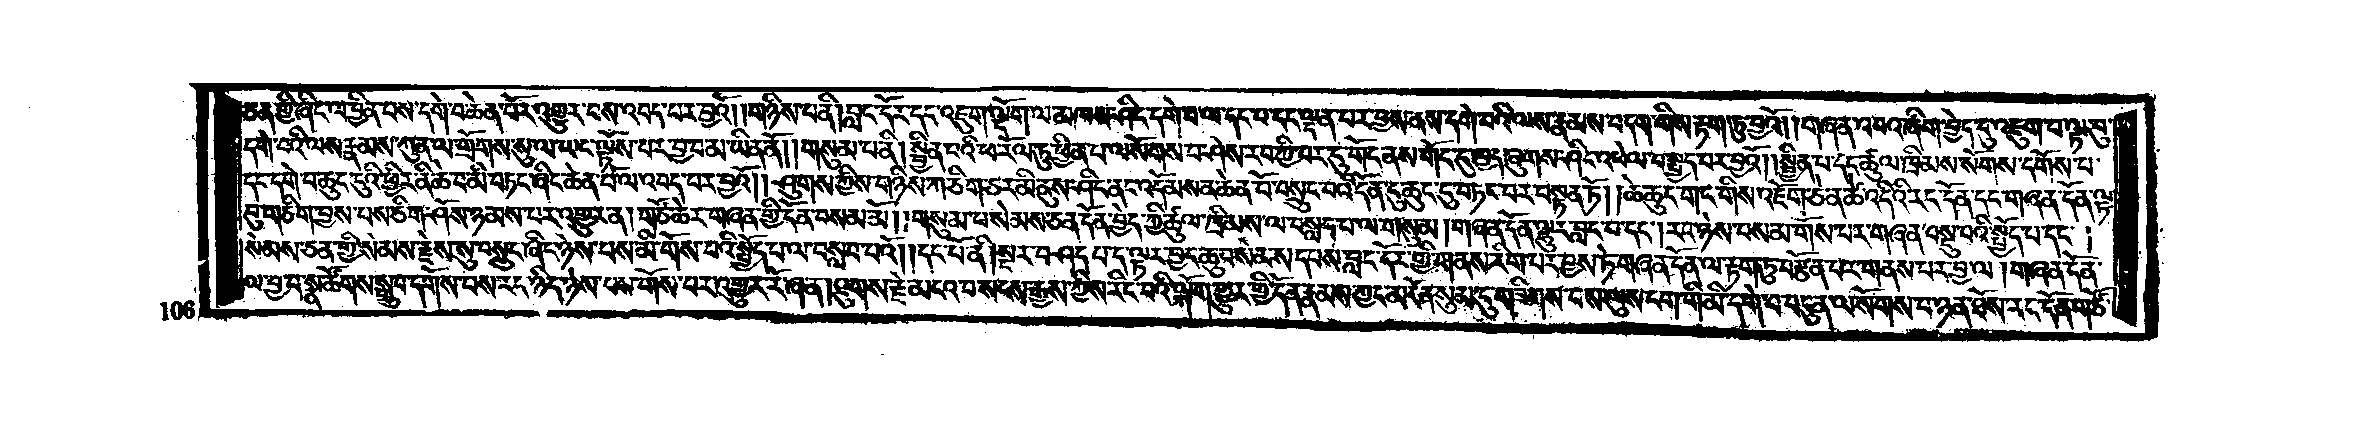ཅན་གྱི་ཞིང་ལ་བྱིན་པས་དགེ་བ་ཆེན་པོར་འགྱུར་བས་འབད་པར་བྱའོ། །གཉིས་པ་ནི། བླང་དོར་དང་འཇུག་ལྡོག་ལ་མཁས་ཤིང་དགེ་བ་ལ་དང་བ་དང་ལྡན་པར་བྱས་ནས་དགེ་བའི་ལས་རྣམས་བདག་གིས་རྟག་ཏུ་བྱའོ། །གཞན་འབའ་ཞིག་བྱེད་དུ་འཇུག་པ་ལྟ་བུ་
དགེ་བའི་ལས་རྣམས་ཀུན་ལ་གྲོགས་སུ་ལ་ཡང་ལྟོས་པར་བྱ་བ་མ་ཡིན་ནོ། །གསུམ་པ་ནི། སྦྱིན་པའི་ཕ་རོལ་ཏུ་ཕྱིན་པ་ལ་སོགས་པ་ཤེས་རབ་ཀྱི་བར་དུ་གོང་ནས་གོང་དུ་ཁྱད་ཞུགས་ཤིང་འཕེལ་བ་སྤྱད་པར་བྱའོ། །སྦྱིན་པ་དང་ཚུལ་ཁྲིམས་སོགས་དགོས་པ་
དང་དགེ་བ་ཆུང་ངུའི་ཕྱིར་ནི་ཆེ་བ་མི་བཏང་ཞིང་ཆེན་པོ་ལ་འབད་པར་བྱའོ། །ཤུགས་ཀྱིས་གཉིས་ཀ་ཅིག་ཅར་མི་ནུས་ཤིང་ནང་འདོམས་ན་ཆེན་པོ་བསྲུང་བའི་དོན་དུ་ཆུང་ངུ་བཏང་བར་བསྟན་ཏོ། །ཆེ་ཆུང་གང་གིས་འཇོག་ཅེ་ན་ཚེ་འདིའི་རང་དོན་དང་གཞན་དོན་ལྟ་
བུ་གཅིག་བྱས་པས་ཅིག་ཤོས་ཉམས་པར་འགྱུར་ན། གཙོ་ཆེར་གཞན་གྱི་དོན་བསམ་མོ། །གསུམ་པ་སེམས་ཅན་དོན་བྱེད་ཀྱི་ཚུལ་ཁྲིམས་ལ་བསླད་པ་ལ་གསུམ། གཞན་དོན་ལྷུར་བླང་བ་དང་། རང་ཉེས་བསམ་གོས་པར་གཞན་བསྡུ་བའི་སྤྱོད་པ་དང་།
སེམས་ཅན་གྱི་སེམས་རྗེས་སུ་བསྲུང་ཞིང་ཉེས་པས་མི་གོས་པའི་སྤྱོད་པ་ལ་བསླབ་པའོ། །དང་པོ་ནི། སྔར་བཤད་པ་ད་ལྟར་བྱང་ཆུབ་སེམས་དཔས་བླང་དོར་གྱི་གནས་རིག་པར་བྱས་ཏེ་གཞན་དོན་ལ་རྟག་ཏུ་བརྩོན་པར་གནས་པར་བྱ་ལ། གཞན་དོན་
ལ་བྱ་སྣ་ཚོགས་སྒྲུབ་དགོས་པས་རང་ཉིད་ཉེས་པས་གོས་པར་འགྱུར་རོ་ཞེ་ན། ཐུགས་རྗེ་མངའ་བ་སངས་རྒྱས་ཀྱིས་རིང་བའི་ལྐོག་གྱུར་གྱི་དོན་རྣམས་ཀྱང་མངོན་སུམ་དུ་གཟིགས་པས་ལུས་ངག་གི་མི་དགེ་བ་བདུན་ལ་སོགས་པ་ཉན་ཐོས་རང་དོན་གཙོ་